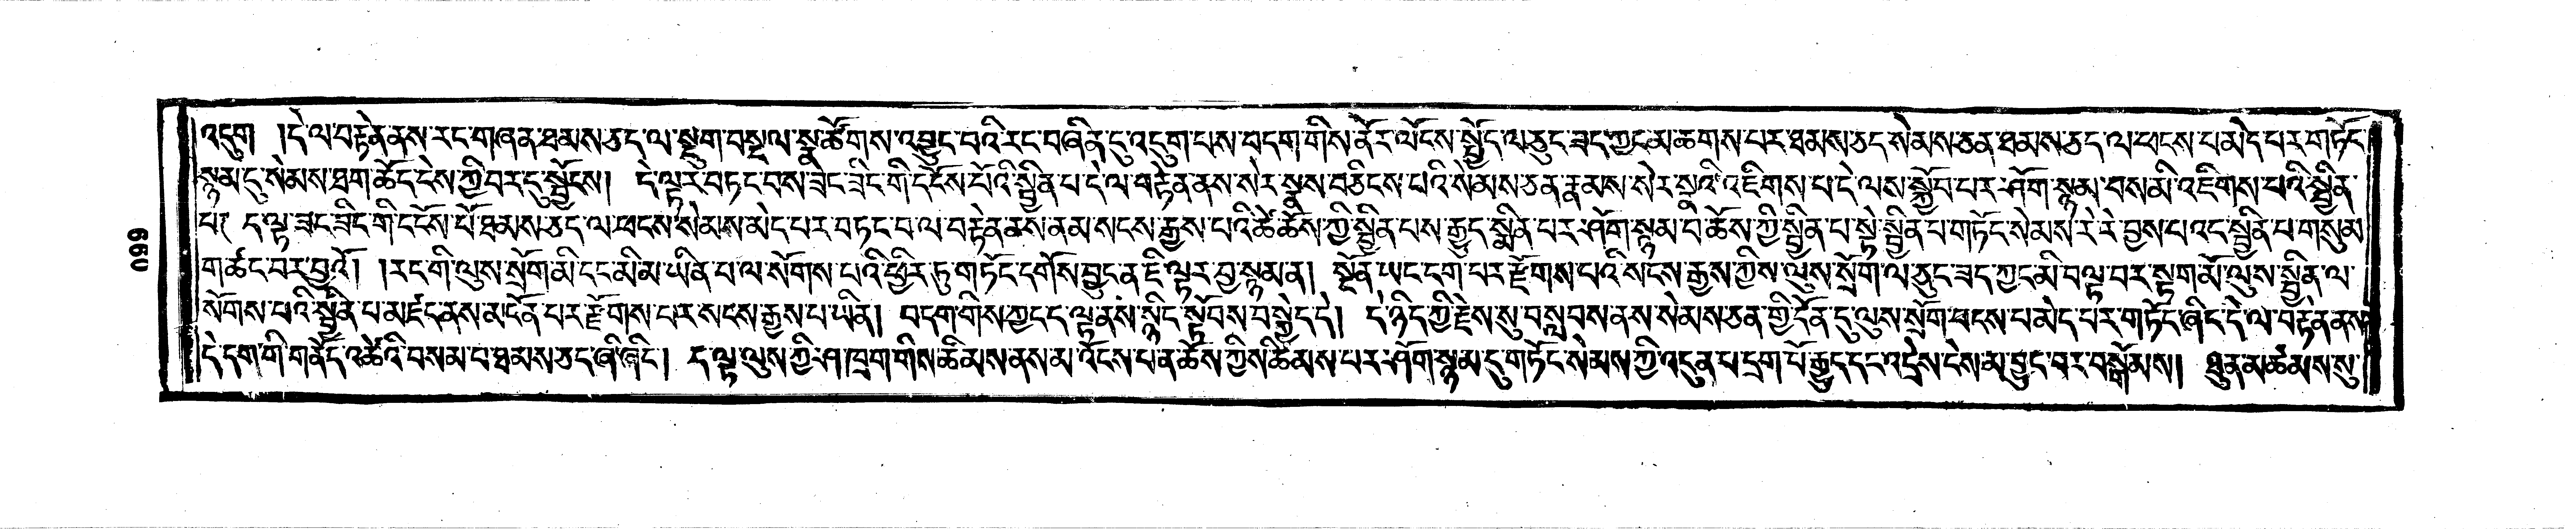འདུག །དེ་ལ་བརྟེན་ནས་རང་གཞན་ཐམས་ཅད་ལ་སྡུག་བསྔལ་སྣ་ཚོགས་འབྱུང་བའི་རང་བཞིན་དུ་འདུག་པས་བདག་གིས་ནོར་ལོངས་སྤྱོད་ལ་ཅུང་ཟད་ཀྱང་མ་ཆགས་པར་ཐམས་ཅད་སེམས་ཅན་ཐམས་ཅད་ལ་ཕངས་པ་མེད་པར་གཏོང་
སྙམ་དུ་སེམས་ཐག་ཆོད་ངེས་ཀྱི་བར་དུ་སྦྱོངས། དེ་ལྟར་བཏང་བས་ཟིང་ཟིང་གི་དངོས་པོའི་སྦྱིན་པ་དེ་ལ་བརྟེན་ནས་སེར་སྣས་བཅིངས་པའི་སེམས་ཅན་རྣམས་སེར་སྣའི་འཇིགས་པ་དེ་ལ་སྐྱོབ་པར་ཤོག་སྙམ་པས་མི་འཇིགས་པའི་སྦྱིན་
པ༑ ད་ལྟ་ཟང་ཟིང་གི་དངོས་པོ་ཐམས་ཅད་ལ་ཕངས་སེམས་མེད་པར་བཏང་བ་ལ་བརྟེན་ནས་ནམ་སངས་རྒྱས་པའི་ཚེ་ཆོས་ཀྱི་སྤྱིན་པས་རྒྱུད་སྨིན་པར་ཤོག་སྙམ་པ་ཆོས་ཀྱི་སྤྱིན་པ་སྟེ་སྦྱིན་པ་གཏོང་སེམས་རེ་རེ་བྱས་པའང་སྦྱིན་པ་གསུམ་
ག་ཚང་བར་བྱའོ། །རང་གི་ལུས་སྲོག་མི་དང་མི་མ་ཡིན་པ་ལ་སོགས་པའི་ཕྱིར་ཏུ་གཏོང་དགོས་བྱུང་ན་ཇི་ལྟར་བྱ་སྙམ་ན། སྔོན་ཡང་དག་པར་རྫོགས་པའི་སངས་རྒྱས་ཀྱིས་ལུས་སྲོག་ལ་ཅུང་ཟད་ཀྱང་མི་བལྟ་བར་སྟག་མོ་ལུས་སྦྱིན་ལ་
སོགས་པའི་སྦྱིན་པ་མཛད་ནས་མངོན་པར་རྫོགས་པར་སངས་རྒྱས་པ་ཡིན། བདག་གིས་ཀྱང་ད་ལྟ་ནས་སྙིང་སྟོབས་བསྐྱེད་དེ། དེ་ཉིད་ཀྱི་རྗེས་སུ་བསླབས་ནས་སེམས་ཅན་གྱི་དོན་དུ་ལུས་སྲོག་བངས་པ་མེད་པར་གཏོང་ཞིང་དེ་ལ་བརྟེན་ནས་
དེ་དག་གི་གནོད་འཚེའི་བསམ་པ་ཐམས་ཅད་ཞི་ཞིང་། ད་ལྟ་ལུས་ཀྱི་ཤ་ཁྲག་གིས་ཆིམས་ནས་མ་འོངས་པ་ན་ཆོས་ཀྱིས་ཚིམས་པར་ཤོག་སྙམ་དུ་གཏོང་སེམས་ཀྱི་འདུན་པ་དྲག་པོ་རྒྱུད་དང་འདྲེས་ངེས་མ་བྱུང་བར་བསྒོམས། ཐུན་མཚམས་སུ་